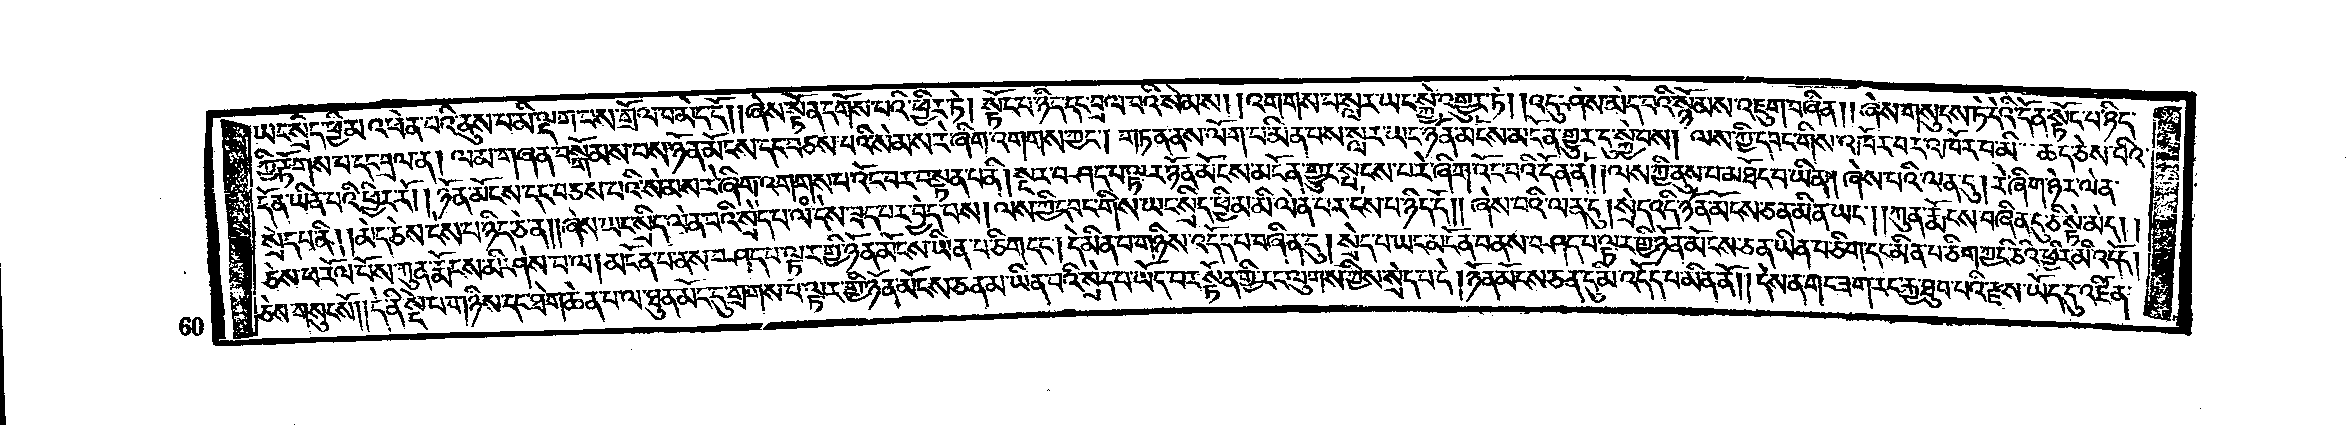ཡང་སྲིད་ཕྱི་མ་འཕེན་པའི་ནུས་པ་མི་ལྡོག་པས་གྲོལ་བ་མེད་དོ། །ཞེས་སྟོན་དགོས་པའི་ཕྱིར་ཏེ། སྟོང་པ་ཉིད་དང་བྲལ་བའི་སེམས། །འགགས་པ་སླར་ཡང་སྐྱེ་འགྱུར་ཏེ། །འདུ་ཤེས་མེད་པའི་སྙོམས་འཇུག་བཞིན། །ཞེས་གསུངས་ཏེ་དེའི་དོན་སྟོང་པ་ཉིད་
ཀྱི་རྟོགས་པ་དང་བྲལ་ན། ལམ་གཞན་བསྒོམས་པས་ཉོན་མོངས་དང་བཅས་པའི་སེམས་རེ་ཞིག་འགགས་ཀྱང་། གཏན་ནས་ལོག་པ་མིན་པས་སླར་ཡང་ཉོན་མོངས་མངོན་གྱུར་དུ་སྐྱེ་བས། ལས་ཀྱི་དབང་གིས་འཁོར་བར་འཁོར་བ་མི་ཆད་ཅེས་པའི་
དོན་ཡིན་པའི་ཕྱིར་རོ། །ཉོན་མོངས་དང་བཅས་པའི་སེམས་རེ་ཞིག་འགགས་པ་འོང་བར་བསྟན་པ་ནི། སྔར་བཤད་པ་ལྟར་ཉོན་མོངས་མངོན་གྱུར་སྤངས་པ་རེ་ཞིག་འོང་བའི་དོན་ནོ། །ལས་ཀྱི་ནུས་པ་མཐོང་བ་ཡིན། ཞེས་པའི་ལན་དུ། རེ་ཞིག་ཉེར་ལེན་
སྲེད་པ་ནི། །མེད་ཅེས་ངེས་པ་ཉིད་ཅེ་ན། །ཞེས་ཡང་སྲིད་ལེན་པའི་སྲེད་པ་ལམ་དེས་ཟད་པར་བྱེད་པས། ལས་ཀྱི་དབང་གིས་ཡང་སྲིད་ཕྱི་མ་མི་ལེན་པར་ངེས་པ་ཉིད་དོ། །ཞེས་པའི་ལན་དུ། སྲེད་འདི་ཉོན་མོངས་ཅན་མིན་ཡང་། །ཀུན་རྨོངས་བཞིན་དུ་ཅི་སྟེ་མེད། །
ཅེས་ཕ་རོལ་པོས་ཀུན་རྨོངས་མི་ཤེས་པ་ལ། མངོན་པ་ནས་བཤད་པ་ལྟར་གྱི་ཉོན་མོངས་ཡིན་པ་ཞིག་དང་། དེ་མིན་པ་གཉིས་འདོད་པ་བཞིན་དུ། སྲེད་པ་ཡང་མངོན་པ་ནས་བཤད་པ་ལྟར་གྱི་ཉོན་མོངས་ཅན་ཡིན་པ་ཅིག་དང་མིན་པ་ཅིག་ཀྱང་ཅིའི་ཕྱིར་མི་འདོད།
ཅེས་གསུངས་སོ། །དེ་ནི་སྡེ་པ་གཉིས་དང་ཐེག་ཆེན་པ་ལ་ཐུན་མོང་དུ་གྲགས་པ་ལྟར་གྱི་ཉོན་མོངས་ཅན་མ་ཡིན་པའི་སྲེད་པ་ཡོད་པར་སྟོན་གྱི་རང་ལུགས་ཀྱིས་སྲེད་པ་དེ། ཉོན་མོངས་ཅན་དུ་མི་འདོད་པ་མིན་ནོ། །དེས་ན་གང་ཟག་རང་རྐྱ་ཐུབ་པའི་རྫས་ཡོད་དུ་འཛིན་